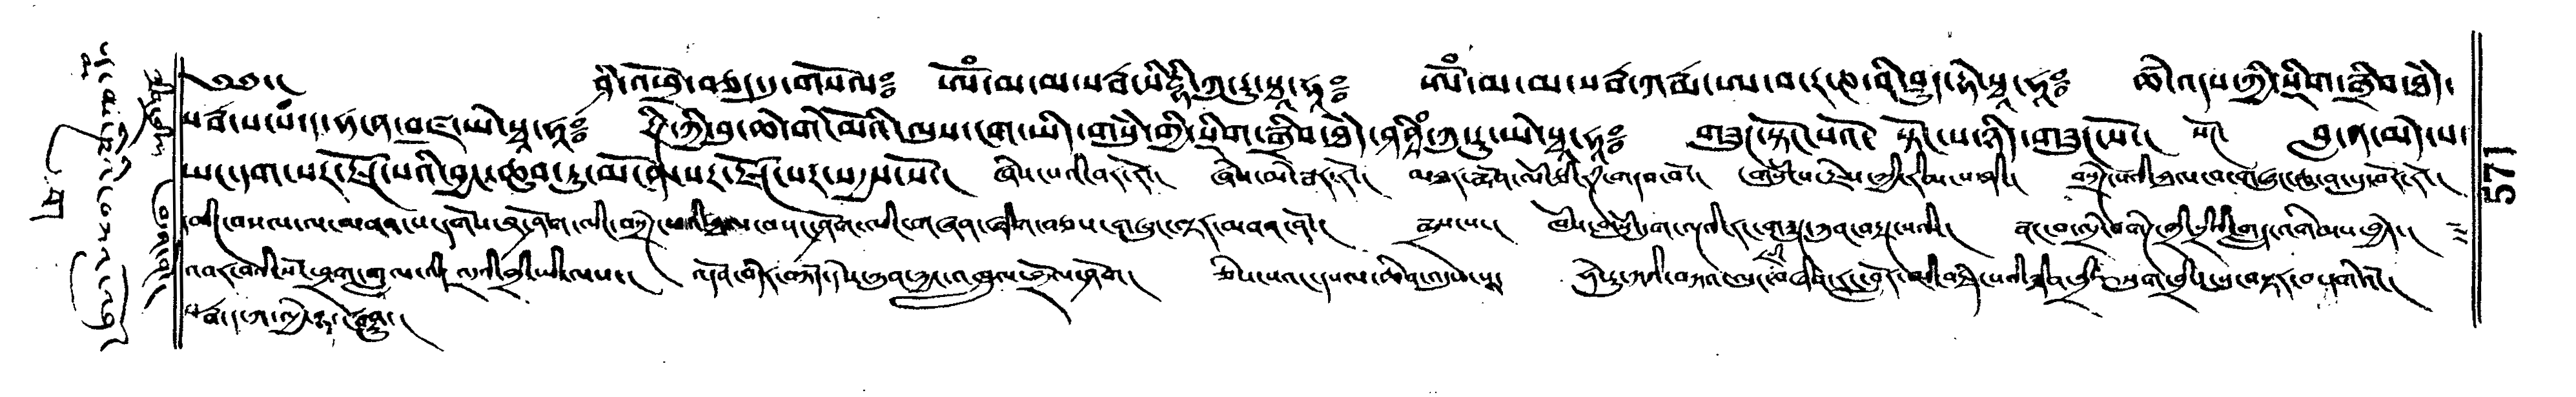ཤི་འཕྲོ་བཅད་དུ་གསོལ༔ ཨོཾ་མ་མ་སརྦ་སིདྡྷི་ཀུ་རུ་སྭ་ཧཱ༔ ཨོཾ་མ་མ་སརྦ་ཀརྨ་ཨ་བ་ར་ཎ་བི་ཤུད་དྡྷེ་སྭ་ཧཱ༔ ཚེ་འདས་ཀྱི་སྡིག་སྒྲིབ་ཐམས་ཅད་
སརྦ་པ་པཾ་ད་ཧ་ན་བཛྲ་ཡེ་སྭ་ཧཱ༔ རིགས་ཀྱི་བུ་ཆེ་གེ་མོའི་ལུས་ངག་ཡིད་གསུམ་གྱི་སྡིག་སྒྲིབ་ཐམས་ཅད་ཤནྟིཾ་ཀུ་རུ་ཡེ་སྭ་ཧཱ༔ གཟུགས་སྟོང་པའོ། སྟོང་པ་ཉིད་གཟུགས་སོ། སོགས། བླ་ན་མེད་པ་
ཡང་དག་པར་རྫོགས་པའི་བྱང་ཆུབ་ཏུ་མངོན་པར་རྫོགས་པར་སངས་རྒྱས་སོ། ཞེས་པའི་བར་རོ། ཞེས་མེ་སྦར་རོ། མཐར་སྨོན་ལམ་ཅི་རིགས་གདབ་བོ། གསུམ་པ་རྗེས་ཀྱི་རིམ་པ་ནི། བསྲེགས་པའི་ཐལ་བ་གཞུང་ཆུའི་ནང་དུ་བོར་རོ་
དམིགས་བསལ་ལ་མནན་པ་དགོས་ན་ཤོག་ལིང་བསྲེགས་པའི་ཐལ་བ་དང་ཤོག་ལིང་གཞན་ཞིག་བཅས་གཞུང་ལྟར་མནན་ནོ། སྨྲས་པ། ཁམས་གསུམ་དུག་ལྔའི་རང་གཟུགས་ཀུན་བརྟགས་པའི། །སྣང་བ་འདྲེ་བགེགས་གྲི་སྲིའི་ཀླད་འགེམས་བྱེད། །
འབར་བའི་སོ་ཕྲག་གླལ་འདི་གྲི་ཡི་ལས། །འདོན་བདེར་བཀོད་དེས་ཀུན་ཀྱང་འཁྲུལ་གྲོལ་ཤོག ཅེས་པའང་དཔལ་ཆེན་འདུས་པས་ཧེ་རུ་ཀའི་བཀའ་ལུང་ཇི་བཞིན་རང་བློར་མི་བརྗེད་པའི་ཟིན་བྲིས་སུག་བྲིས་སུ་བསྟར་བ་དགེའོ།། 
སརྦ་ད་ཀ་ལྱེ་བྷ་ཝནྟུ།། དགེའོ།།